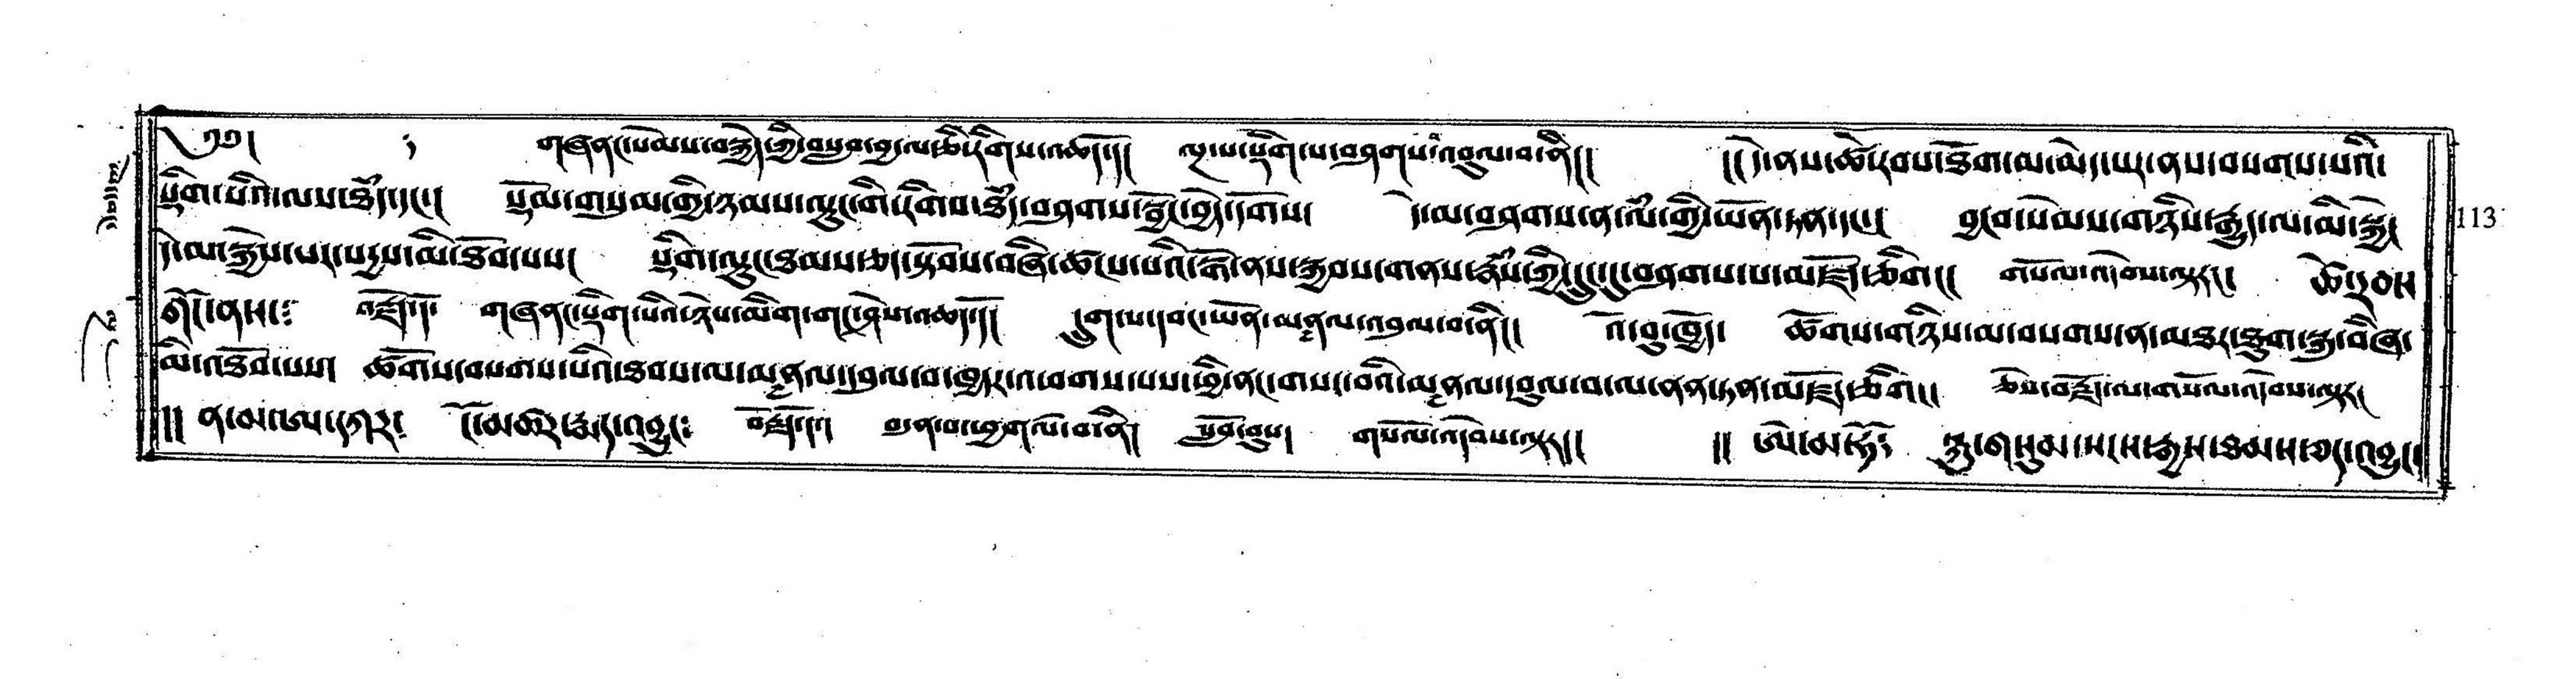གཞན་ཡང་སེམས་བསྐྱེད་ཀྱི་བསླབ་བྱ་ལ་ཅི་རིགས་འཆད་དོ། ལྔ་པ་སྡིག་པ་བཤགས་པ་འབུལ་བ་ནི།། །།དེ་ནས་ཚེ་རབས་ཐོག་མ་མེད་པར་ནས་བསགས་པའི་
སྡིག་པའི་ལས་ཐམས་ཅད་དང་། སྡོམ་གསུམ་གྱི་ཉམས་ལྟུང་གི་རིགས་ཐམས་ཅད་བཤགས་སྦྱོང་བྱེད་དགོས། དེ་མ་བཤགས་ན་ལམ་གྱི་ཡོན་ཏན་དང་། བྱང་ཆུབ་སེམས་གཉིས་རྒྱུད་ལ་མི་སྐྱེ། 
དེ་མ་སྐྱེས་པར་སངས་རྒྱས་མི་ཐོབ་པས། སྡིག་ལྟུང་ཐམས་ཅད་སྟོབས་བཞི་ཚངས་པའི་སྒོ་ནས་སྐྱབས་གནས་རྣམས་ཀྱི་དྲུང་དུ་བཤགས་པ་མཛོད་ཅིག གསོལ་འདེབས་ལྟར།། ཚེ་རབས་
གོང་ནས༴ བརྗོད་དོ་གཞན་ཡང་སྡིག་པའི་ཉེས་མིག་གང་ཤེས་འཆད་དོ། དྲུག་པ་དབང་ཡོན་མནྜལ་འབུལ་བ་ནི།། འོ་བུ་ཁྱོད་ཚོགས་གཉིས་མ་བསགས་ན་མཐར་ཐུག་སྐུ་བཞི་
མི་འཐོབ་པས། ཚོགས་བསགས་པའི་ཐབས་ལ་མནྜལ་དབུལ་བ་ཁྱད་པར་འཕགས་པས་ཕྱི་ནང་གསང་བའི་མནྜལ་དབུལ་བ་ལ་ནན་ཏན་མཛོད་ཅིག ཅེས་བརྗོད་ལ་གསོལ་འདེབས་ལྟར། 
།།ན་མ་ཨ་དཀར༴ ངོ་མཚར་རྨད་འབྱུང་༴ བརྗོད་དོ། བདུན་པ་ཕྱག་འཚལ་བ་ནི། སློབ་བུས། གསོལ་འདེབས་ལྟར།། །།ཨེ་མ་ཧོ སྐུ་གསུམ་སངས་རྒྱས་ཐམས་ཅད་འབྱུང་